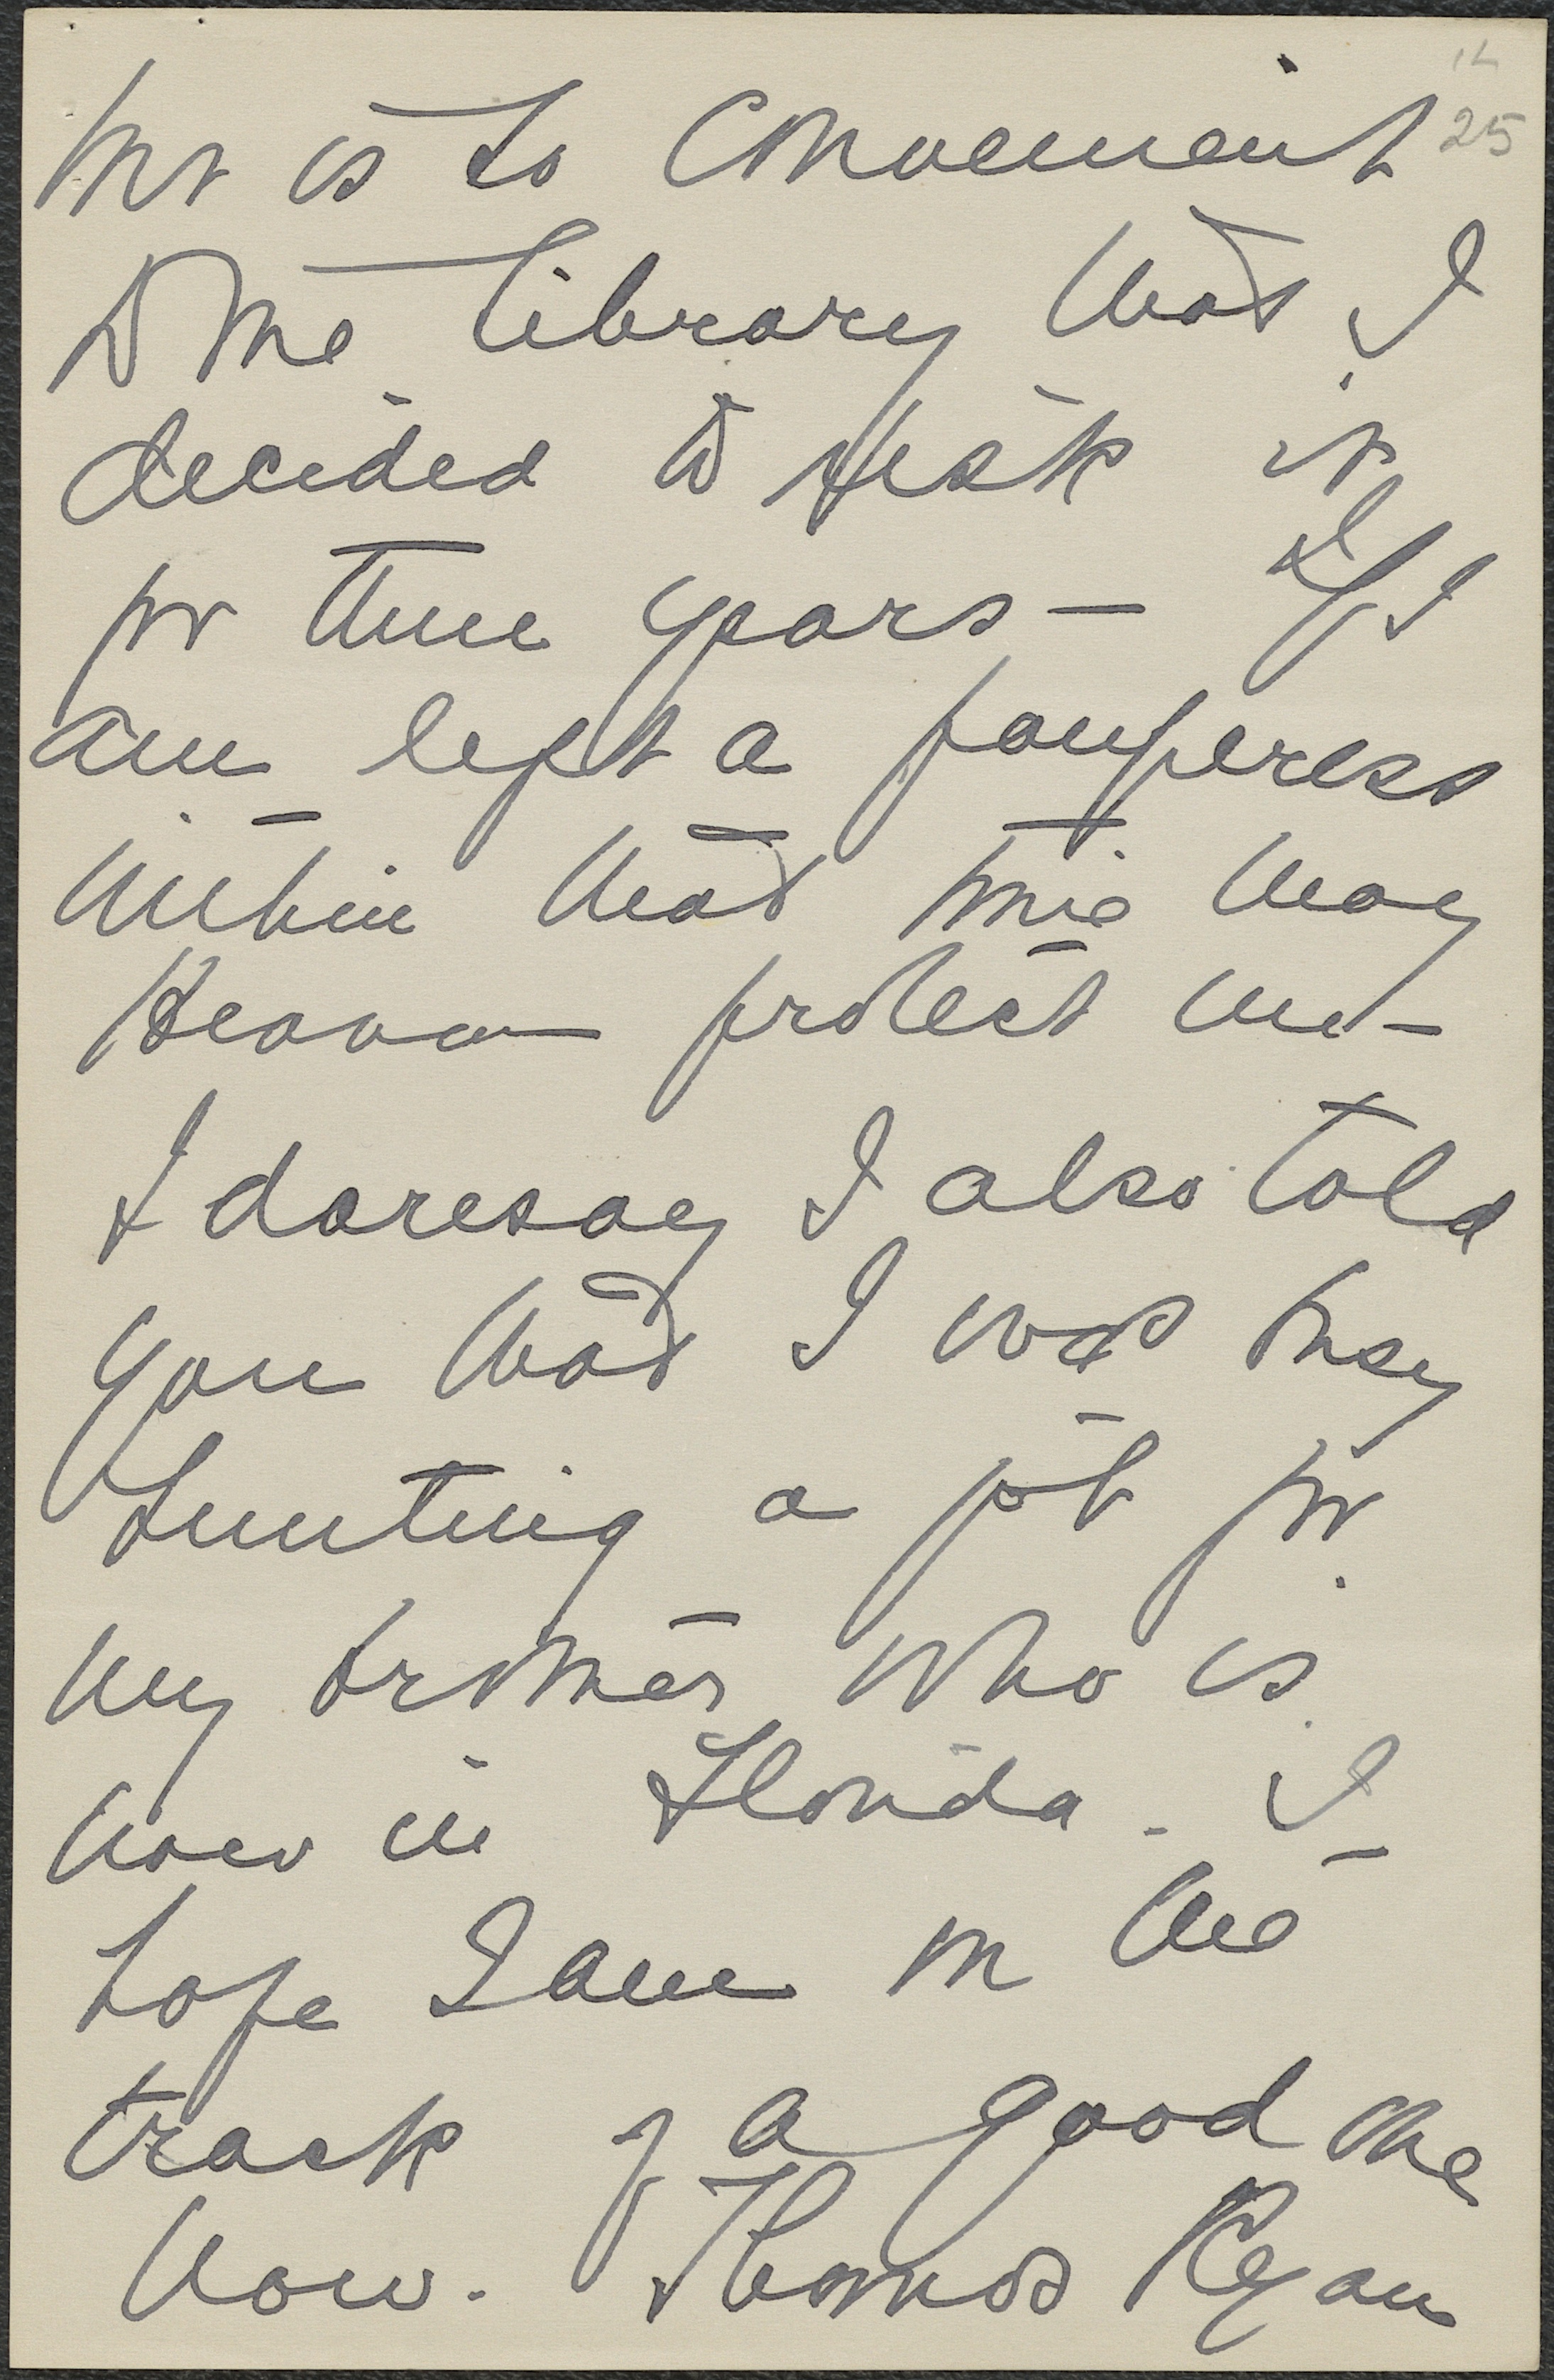but is so convenient to the Library that I decided to risk it for three years – If I am left a pauperess within that time may Heaven protect me – I daresay I also told you that I was busy hunting a job for my brother who is now in Florida – I hope I am on the track of a good one now. Thomas Ryan